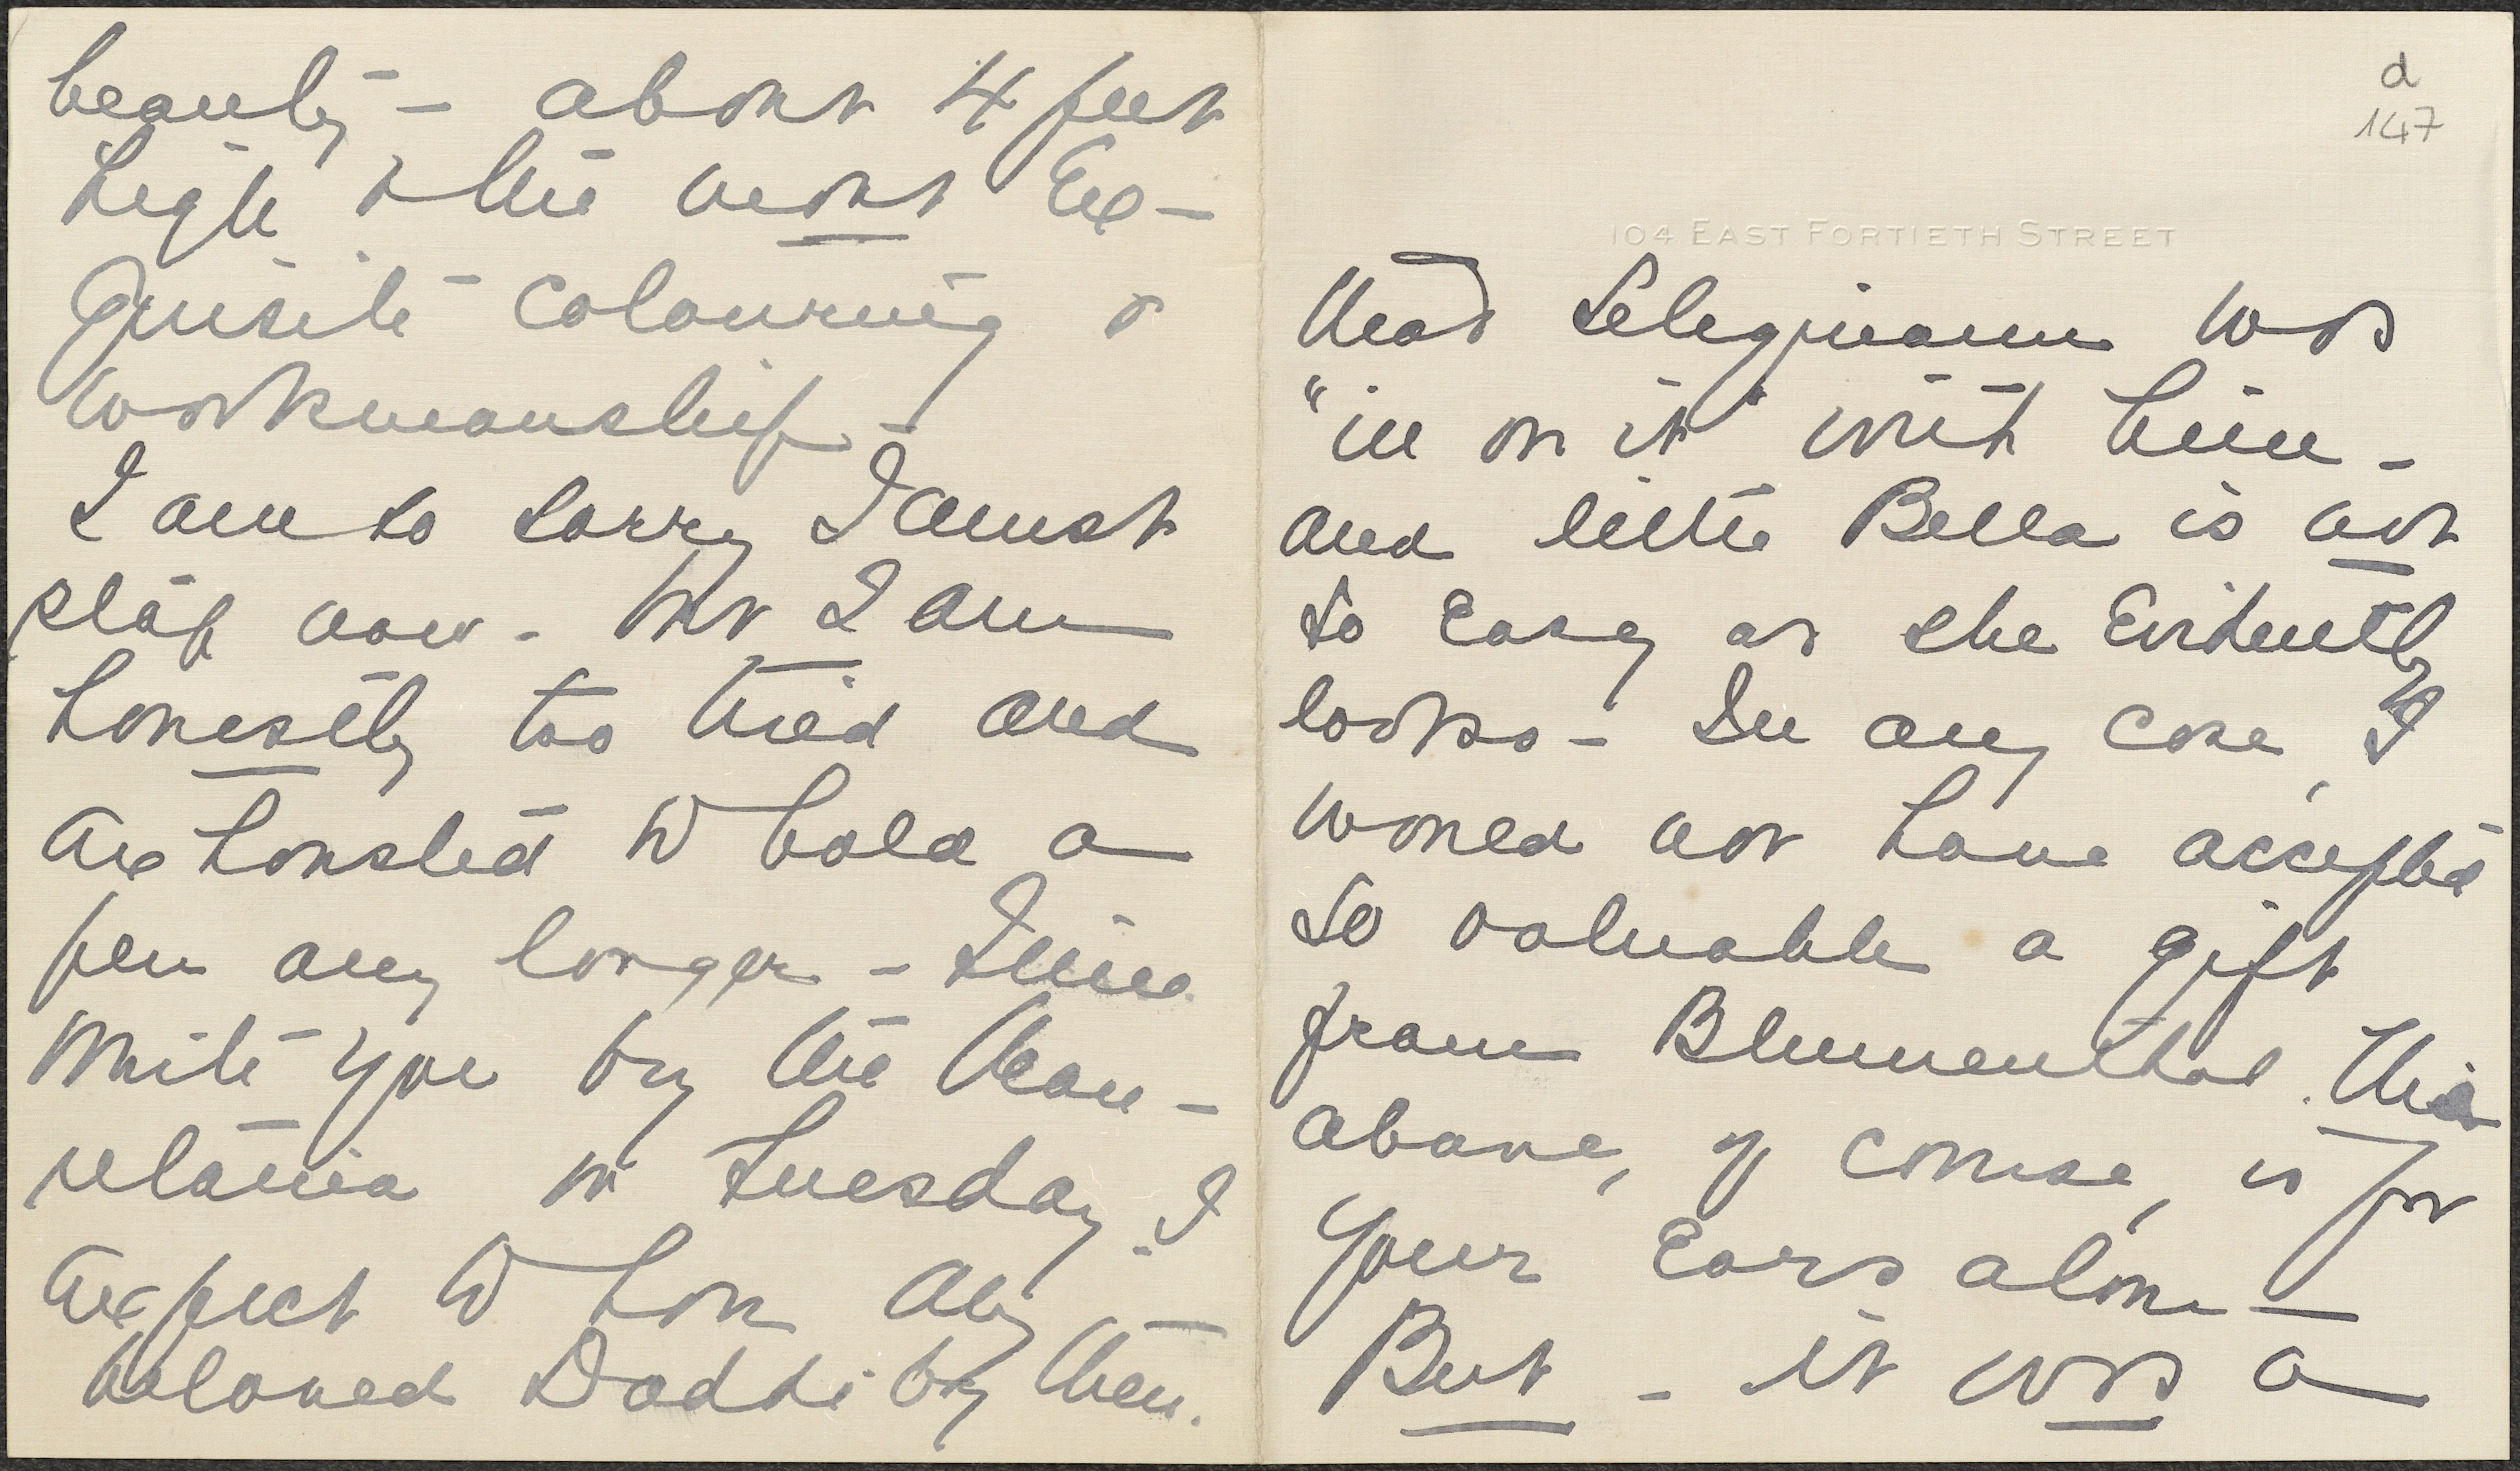that Seligmann was “in on it” with him – and little Bella is not so easy as she evidently looks – In any case, I would not have accepted so valuable a gift from Blumenthal. The above, of course, is for you ears alone – But – it was a
beauty – about 4 feet high & the most exquisite colouring & workmanship –
I am so sorry I must stop now – but I am honestly too tired and exhausted to hold a pen any longer – I will write you by the Mauretania on Tuesday. I expect to have my beloved Daddi by then.